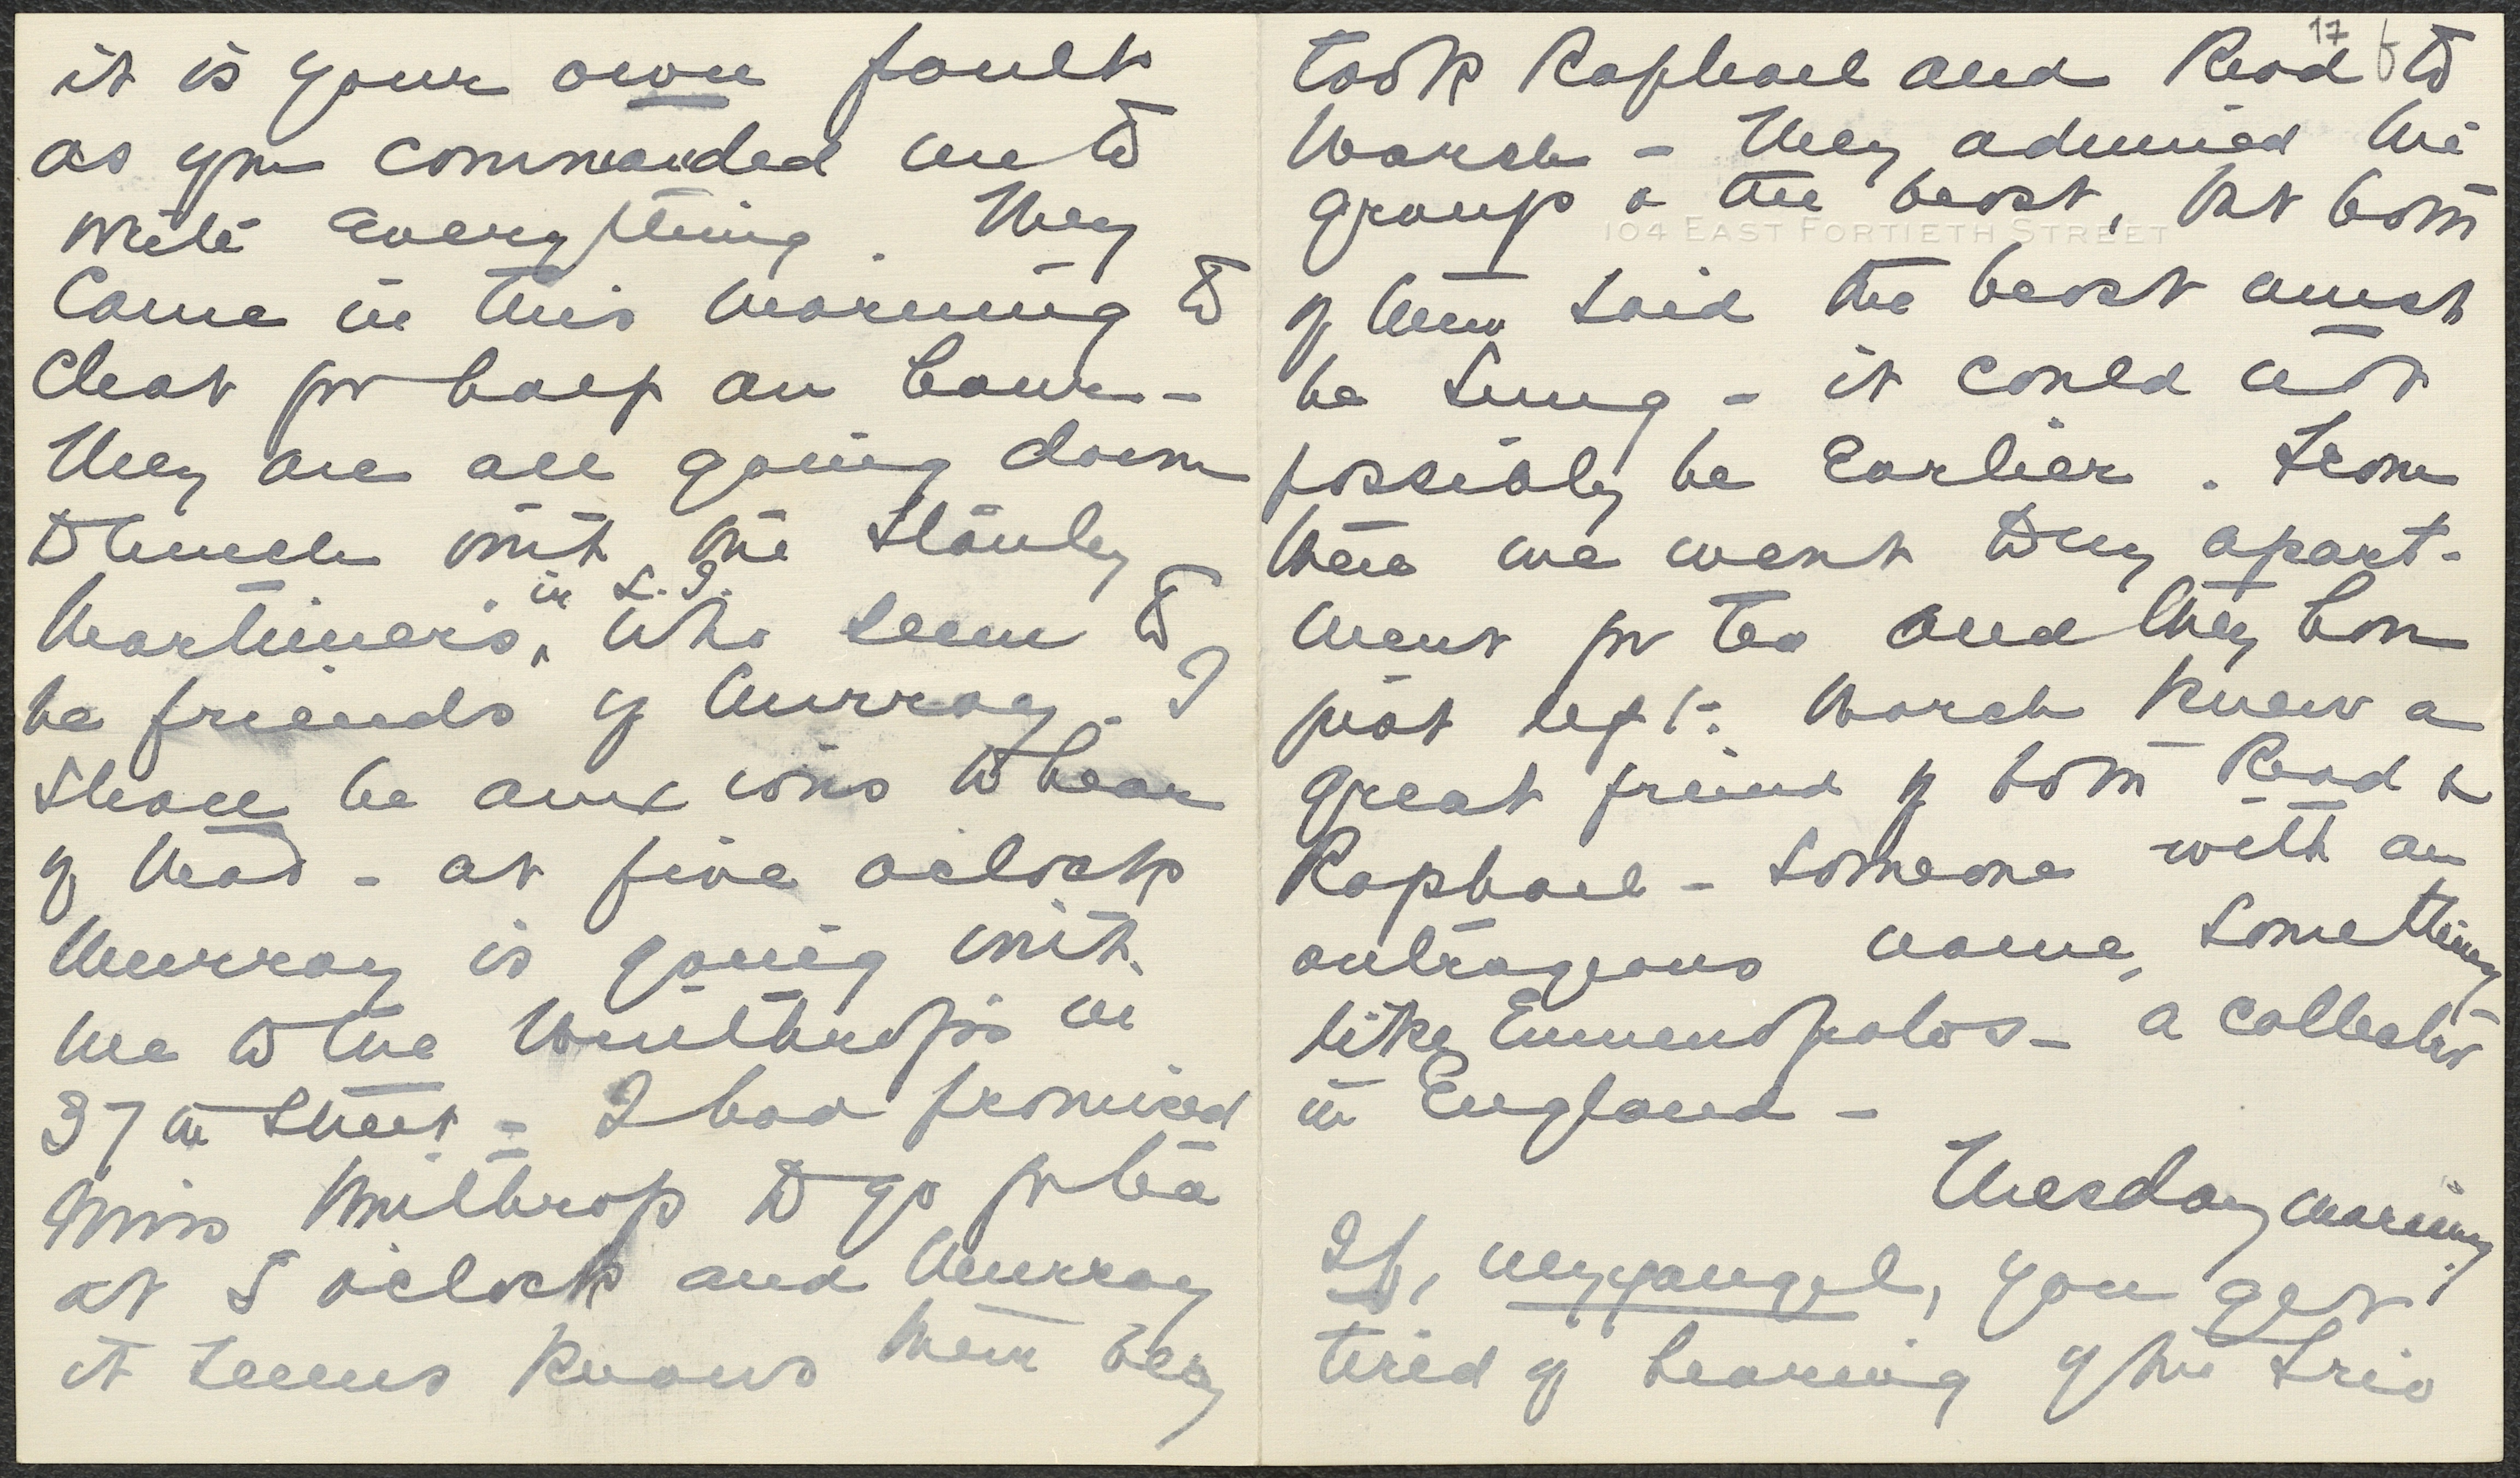took Raphael and Read to March – They admired the group & the beast, but both of them said the beast must be Sung – it could not possibly be earlier. From there we went to my apartment for tea and they have just left: March knew a great friend of both Read & Raphael – someone with an outrageous name, something like Eumenopolos – a collector in England –
Tuesday morning
If, myy [sic] angel, you get tired of hearing of the Trio
it is your own fault as you commanded me to write everything. They came in this morning to chat for half an hour – They are all going down to lunch with the Stanley Mortimer's [^in L.I.^] who seem to be friends of Murray. I shall be anxious to hear of that – at five oclock Murray is going with me to the Winthrop's on 37th Street – I had promised Mrs. Winthrop to go for tea at 5 o'clock and Murray it seems knows them very